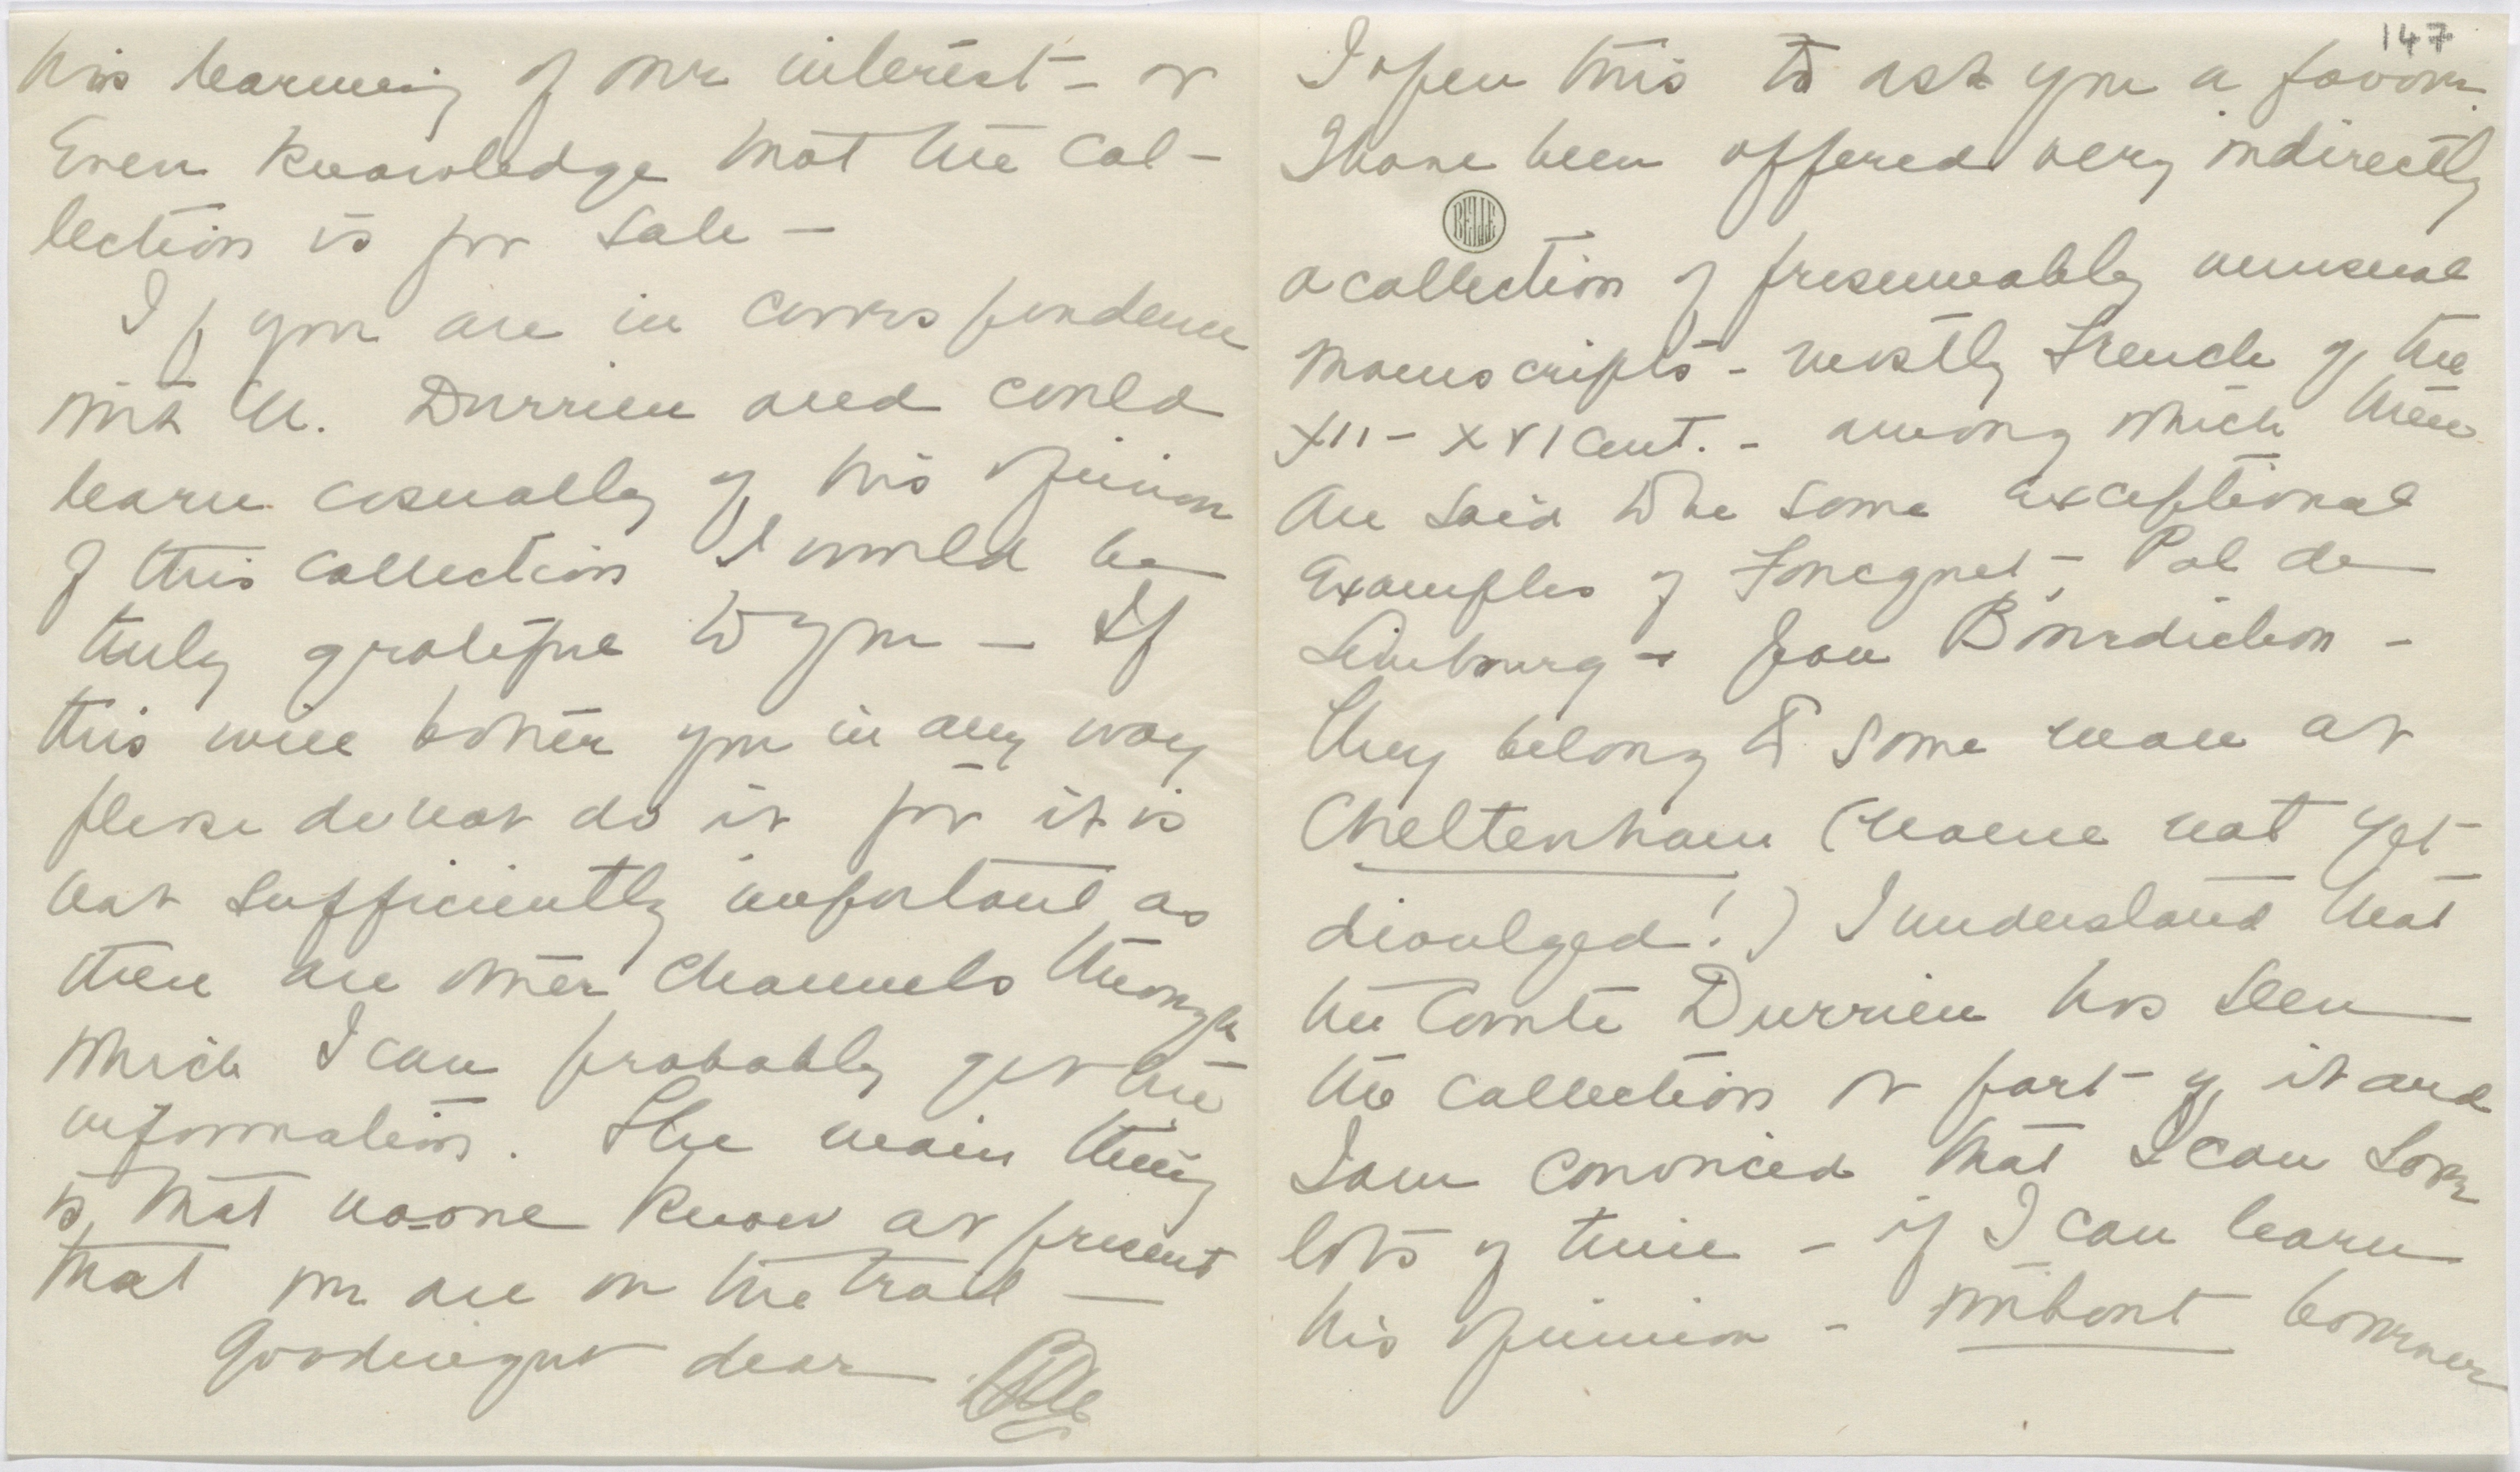I open this to ask you a favour. I have been offered very indirectly a collection of presumably unusual manuscripts – mostly French of the XII – XVI cent. – among which there are said to be some exceptional examples of Foucquet, Pal [sic] de Limbourg & Jean Bourdichon – they belong to some man at Cheltenham (name not yet divulged!) I understand that the Comte Durrieu has seen the collection or part of it and I am convinced that I can save lots of time – if I can learn his opinion – without however
his learning of our interest – or even knowledge that the collection is for sale –
If you are in correspondence with M. Durrieu and could learn casually of his opinion of this collection I would be truly grateful to you – If this will bother you in any way please do not do it for it is not sufficiently important as there are other channels through which I can probably get the information. The main thing is that no-one know at present that we are on the trail –
Goodnight dear Belle